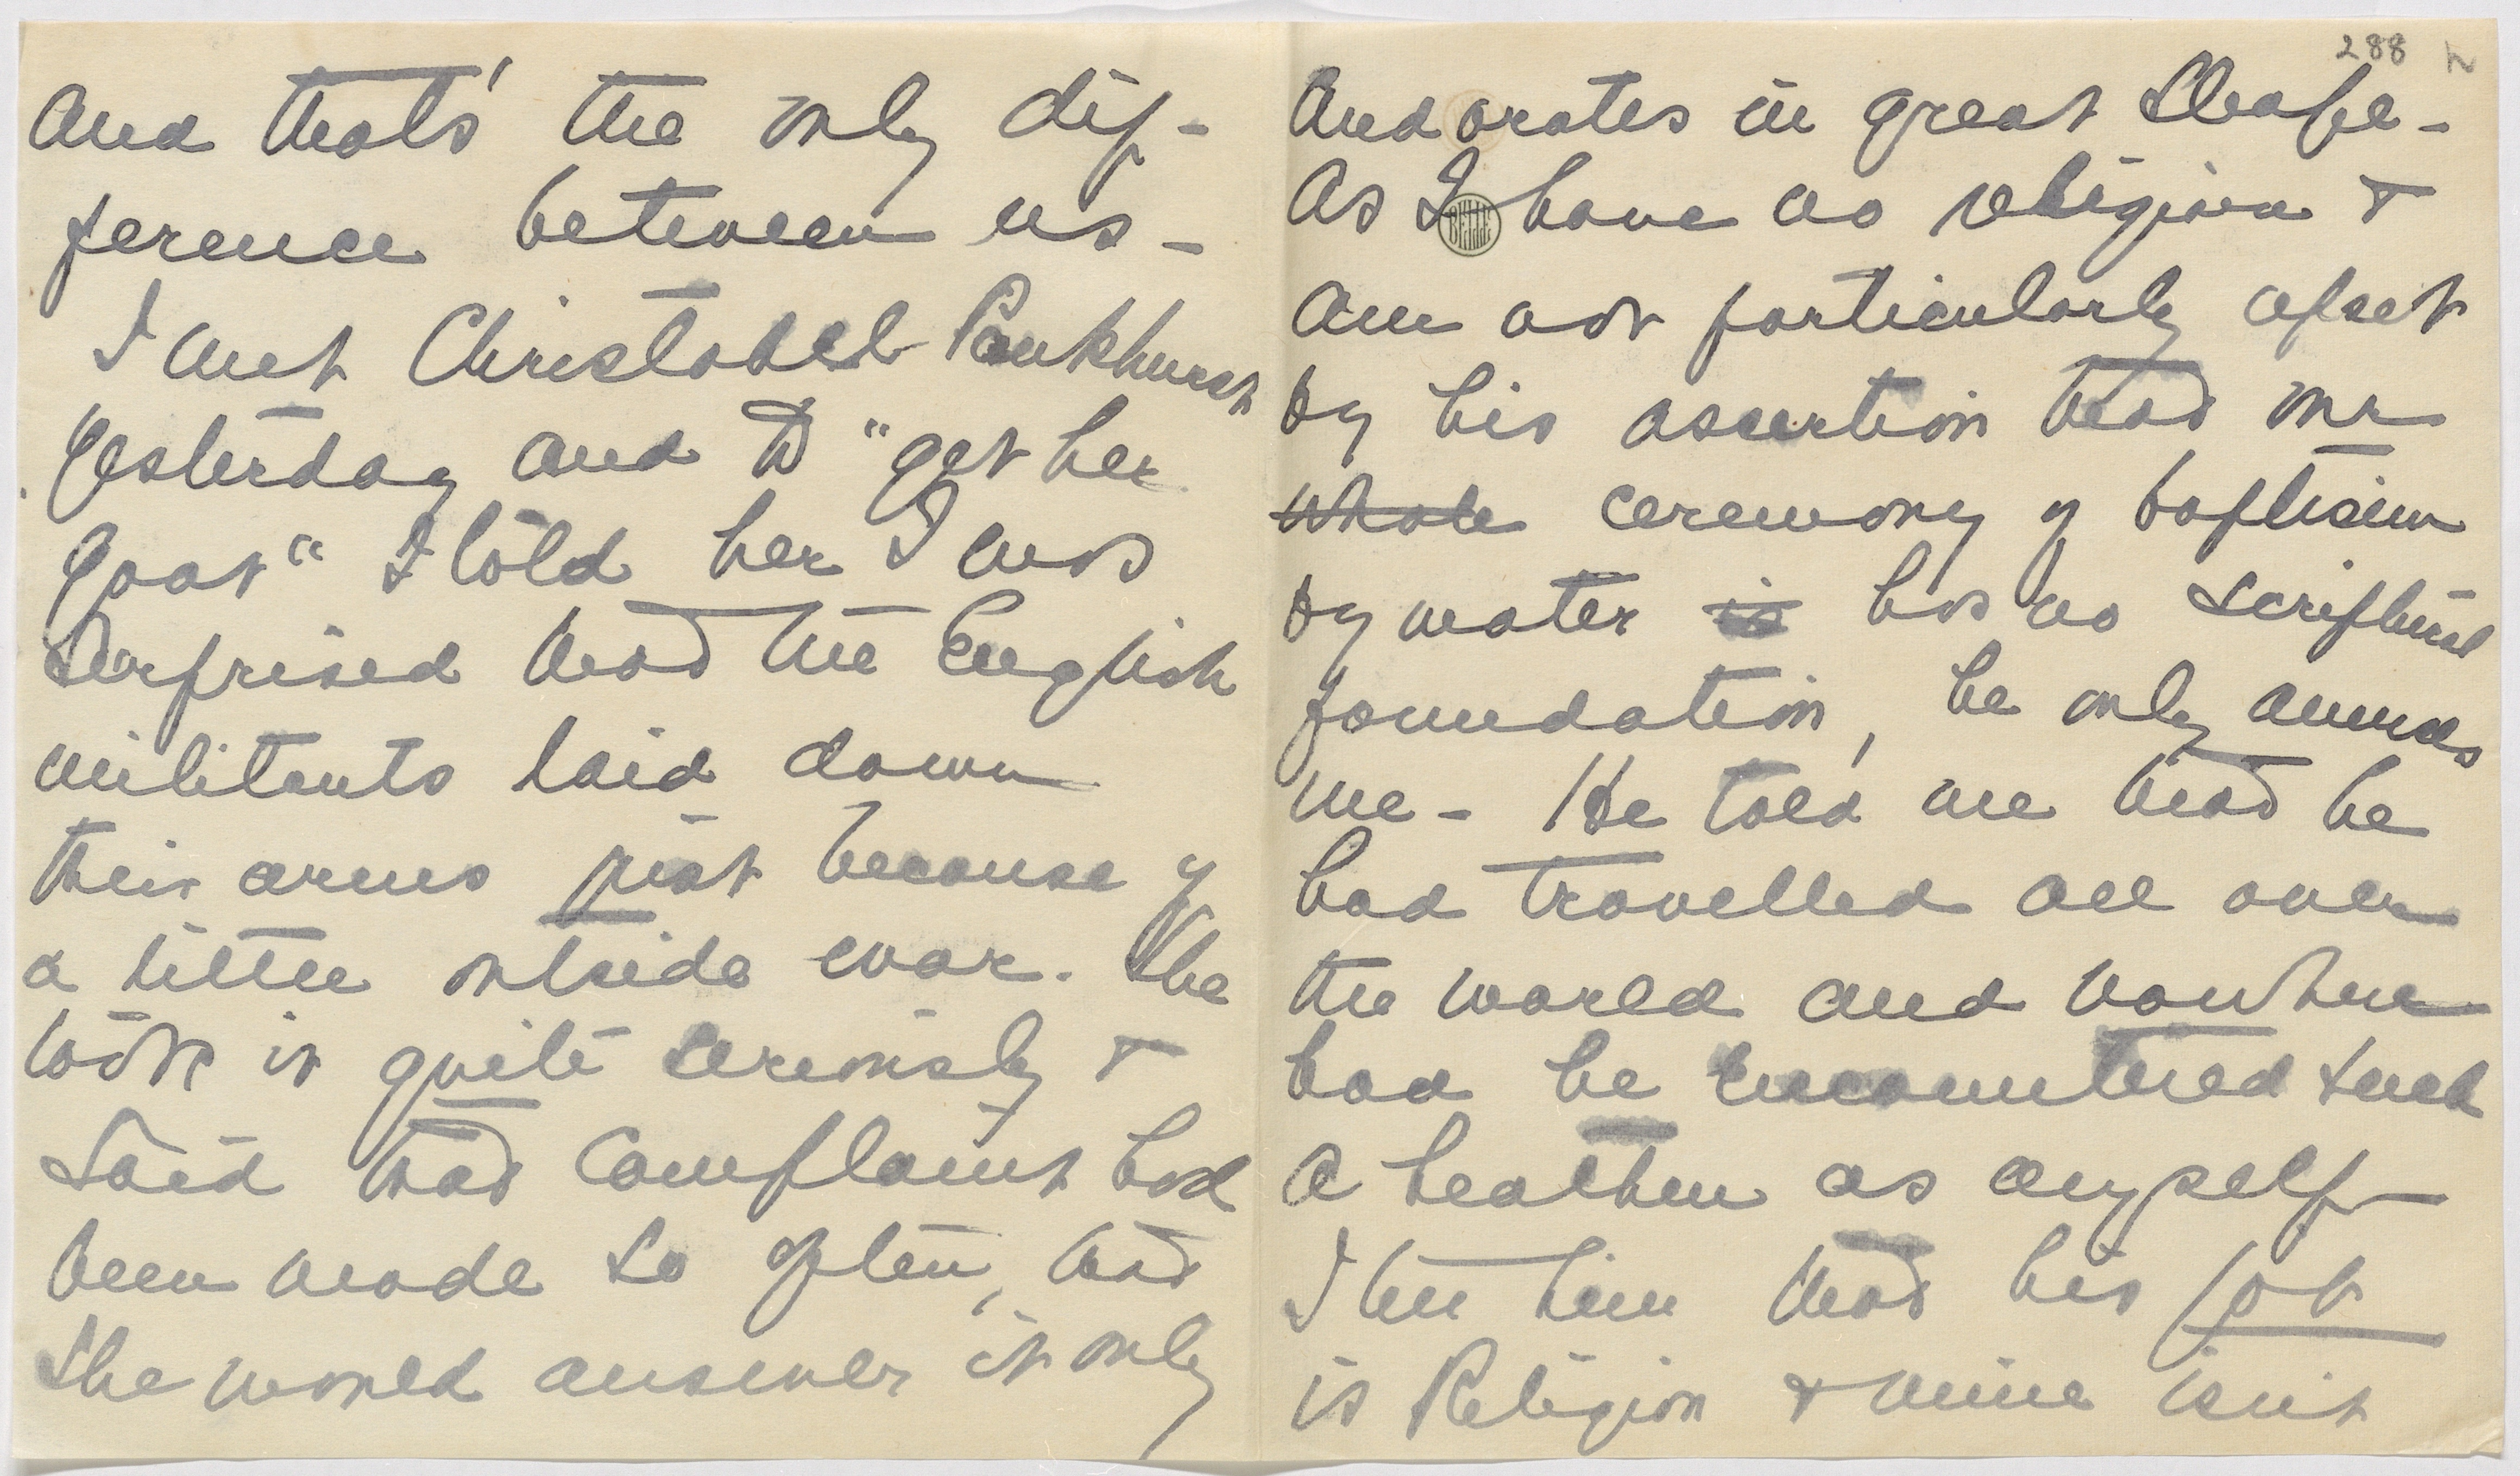and orates in great shape – As I have no religion & am not particularly upset by his assertion that our whole ceremony of baptism by water is has no scriptural foundation, he only amuses me – He told me that he had travelled all over the world and nowhere had have encountered such a heathen as myself –
I tell him that his job is Religion & mine isn’t
and that’s the only difference between us –
I met Christabel Pankhurst yesterday and to “get her goat” I told her I was surprised that the English militants laid down their arms just because of a little outside war. She took it quite seriously & said that complaint had been made so often, that she would answer it only